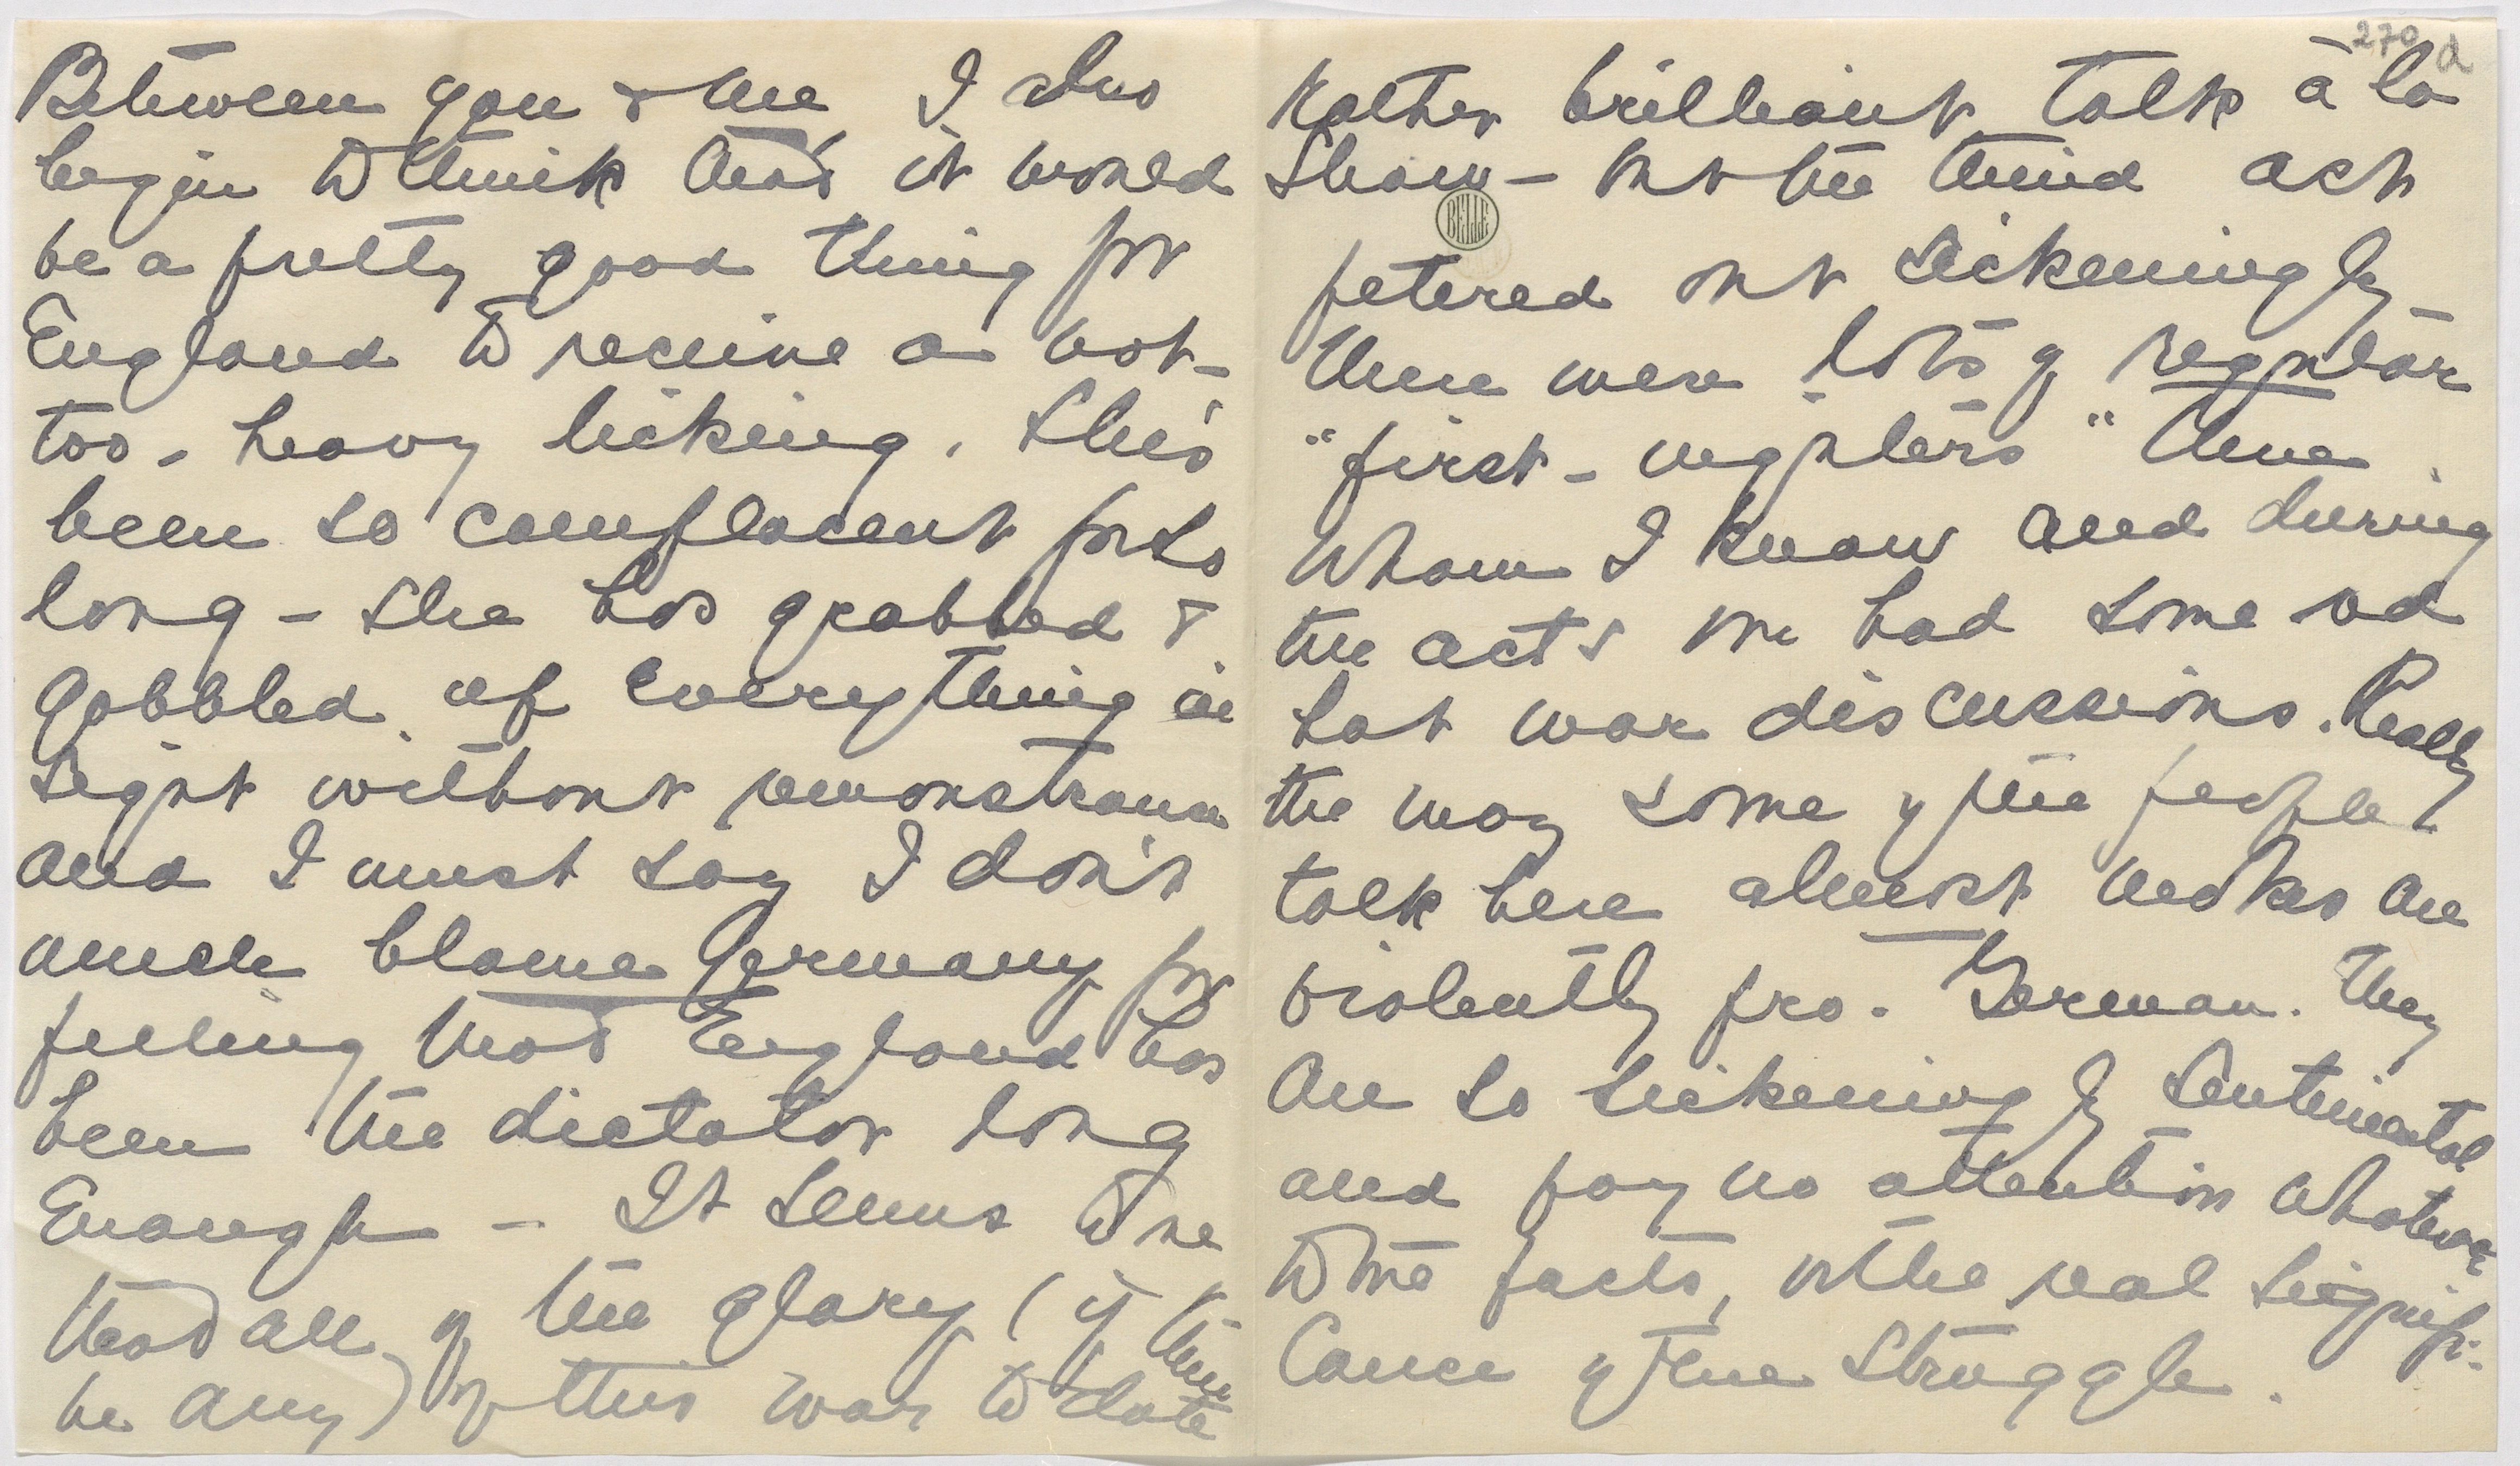rather brilliant talk à la show – but the third act petered out sickeningly – There were lots of regular “first-nighters'' there whom I know and during the acts we had some red hot war discussions. Really the way some of the people talk here almost makes me violently pro-German. They are so sickeningly sentimental and pay no attention whatever to the facts, or the real significance of true struggle.
Between you & me I also begin to think that it would be a pretty good thing for England to receive a not-too-heavy licking, She’s been so complacent for so long – she has grabbed & gobbled up everything in sight without remonstrance and I must say I don’t much blame Germany for feeling that England has been the dictator long enough – It seems to me that all of the glory (if there be any) of this war to date